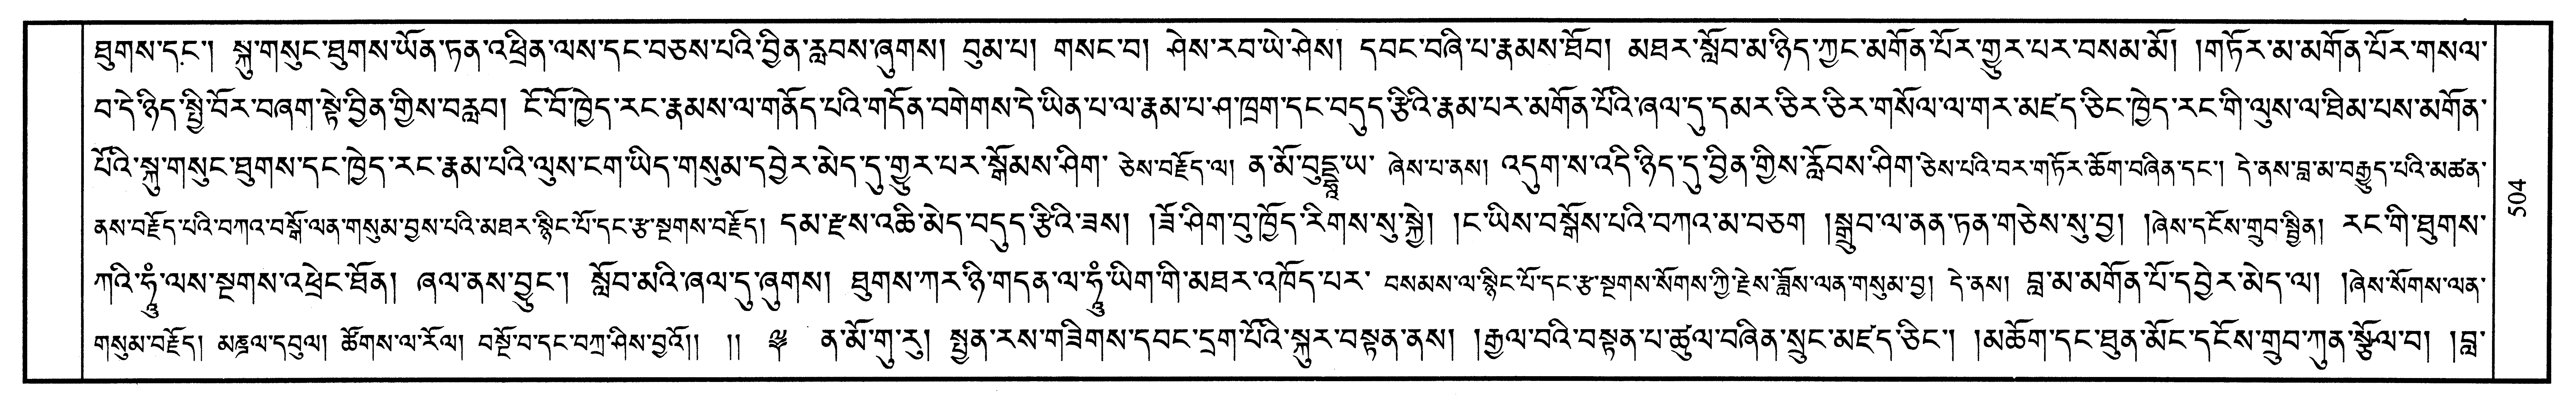ཐུགས་དང་། སྐུ་གསུང་ཐུགས་ཡོན་ཏན་འཕྲིན་ལས་དང་བཅས་པའི་བྱིན་རླབས་ཞུགས། བུམ་པ། གསང་བ། ཤེས་རབ་ཡེ་ཤེས། དབང་བཞི་པ་རྣམས་ཐོབ། མཐར་སློབ་མ་ཉིད་ཀྱང་མགོན་པོར་གྱུར་པར་བསམ་མོ། །གཏོར་མ་མགོན་པོར་གསལ་
བ་དེ་ཉིད་སྤྱི་བོར་བཞག་སྟེ་བྱིན་གྱིས་བརླབ། ངོ་བོ་ཁྱེད་རང་རྣམས་ལ་གནོད་པའི་གདོན་བགེགས་དེ་ཡིན་པ་ལ་རྣམ་པ་ཤ་ཁྲག་དང་བདུད་རྩིའི་རྣམ་པར་མགོན་པོའི་ཞལ་དུ་དམར་ཅིར་ཅིར་གསོལ་ལ་གར་མཛད་ཅིང་ཁྱེད་རང་གི་ལུས་ལ་ཐིམ་པས་མགོན་
པོའི་སྐུ་གསུང་ཐུགས་དང་ཁྱེད་རང་རྣམ་པའི་ལུས་ངག་ཡིད་གསུམ་དབྱེར་མེད་དུ་གྱུར་པར་སྒོམས་ཤིག་ཅེས་བརྗོད་ལ། ན་མོ་བུདྡྷཱ་ཡ་ཞེས་པ་ནས། འདུག་ས་འདི་ཉིད་དུ་བྱིན་གྱིས་རློབས་ཤིག་ཅེས་པའི་བར་གཏོར་ཆོས་བཞིན་དང་། དེ་ནས་བླ་མ་བརྒྱུད་པའི་མཚན་
ནས་བརྗོད་པའི་བཀའ་བསྒོ་ལན་གསུམ་བྱས་པའི་མཐར་སྙིང་པོ་དང་རྩ་སྔགས་བརྗོད། དམ་རྫས་འཆི་མེད་བདུད་རྩིའི་ཟས། །ཟོ་ཤིག་བུ་ཁྱོད་རིགས་སུ་སྐྱེ། །ང་ཡིས་བསྒོས་པའི་བཀའ་མ་བཅག །སྒྲུབ་ལ་ནན་ཏན་གཅེས་སུ་བྱ། །ཞེས་དངོས་གྲུབ་སྦྱིན། རང་གི་ཐུགས་
ཀའི་ཧཱུཾ་ལས་སྔགས་འཕྲེང་ཐོན། ཞལ་ནས་བྱུང་། སློབ་མའི་ཞལ་དུ་ཞུགས། ཐུགས་ཀར་ཉི་གདན་ལ་ཧཱུཾ་ཡིག་གི་མཐར་འཁོད་པར་བསམས་ལ་སྙིང་པོ་དང་རྩ་སྔགས་སོགས་ཀྱི་རྗེས་ཟློས་ལན་གསུམ་བྱ། དེ་ནས་བླ་མ་མགོན་པོ་དབྱེར་མེད་ལ། །ཞེས་སོགས་ལན་
གསུམ་བརྗོད། མཎྜལ་དབུལ། ཚོགས་ལ་རོལ། བསྔོ་བ་དང་བཀྲ་ཤིས་བྱའོ།། །། ༈ ན་མོ་གུ་རུ། སྤྱན་རས་གཟིགས་དབང་དྲག་པོའི་སྐུར་བསྟན་ནས། །རྒྱལ་བའི་བསྟན་པ་ཚུལ་བཞིན་སྲུང་མཛད་ཅིང་། །མཆོག་དང་ཐུན་མོང་དངོས་གྲུབ་ཀུན་སྩོལ་བ། །བླ་